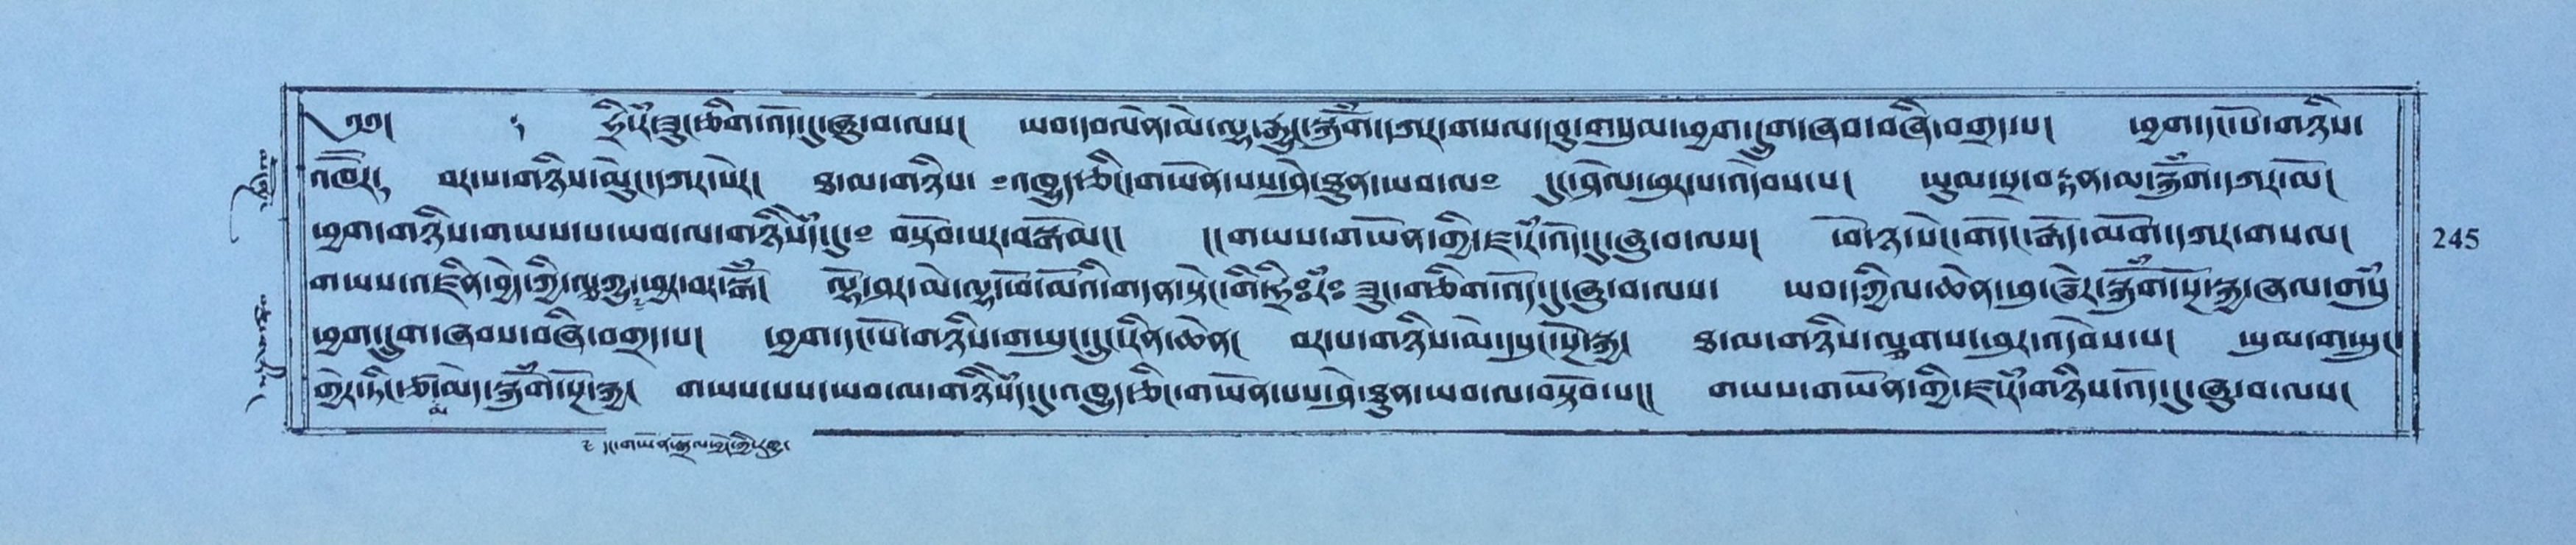ཧྲི་རཾཿ ཟུང་གཉིས་འོད་དུ་ཞུ་བ་ལ།། ཡབ་དབལ་ཆེན་མེ་ལྷ་རྒྱུང་སྐུ་མདོག་དཀར་གསལ་དབུ་གསུམ་ཕྱག་དྲུག་ཞབས་བཞི་བགྲད་པ། ཕྱག་དང་པོ་གཉིས་
འཁོར་ལོ། བར་པ་གཉིས་མེ་དཔུང་དཀར་སེར། ཐ་མ་གཉིས་དུང་ཤེལ་ཕུར་པ་འདེབས་པ། ཡུམ་སྲ་བརྟན་མ་སྐུ་མདོག་དཀར་མོ། 
ཕྱག་གཉིས་གཡས་པ་ཡབ་ལ་གཉིས་མེད་དུ་འཁྱུད་ཅིང་གཡོན་པས་ཤེ་ཐུན་ཡབ་ལ་བསྟོབ་པར་བསྒོམ།། གཡས་གཡོན་གྱི་ཛ་རཾ་འོད་དུ་ཞུ་བ་ལས། ཕོ་ཉ་སེང་གདོང་རྒོད་མགོ་དཀར་གསལ། 
གཡས་འཛིན་བྱེད་ཀྱི་ལྕག་ཀྱུ་དང་གཡོན་སྒྲོལ་བྱེད་ཀྱི་རལ་ཀྱུ་ཕྱར་བར་བསྒོམ། ལྷོར་མེ་ལྷ་ཕོ་མོའི་གདན་སྟེང་གི་ཧྲི་རཾཿཟུང་གཅིག་འོད་དུ་ཞུ་བ་ལས། ཡབ་དཀྱིལ་ཆེན་ཕུ་ཝེར་སྐུ་མདོག་སྔོ་སྐྱ་ཞལ་གསུམ་
ཕྱག་དྲུག་ཞབས་བཞི་བགྲད་པ། ཕྱག་དང་པོ་གཉིས་གཡུང་དྲུང་རིན་ཆེན། བར་པ་གཉིས་མེ་དཔུང་སྔོ་སྐྱ། ཐ་མ་གཉིས་དུང་ལྕགས་ཕུར་པ་འདེབས་པ། ཡུམ་གཡུང་དྲུང་
གྱེར་ཏིང་ཙ་མེད་སྐུ་མདོག་སྔོ་སྐྱ། གཡས་པས་ཡབ་ལ་གཉིས་མེད་དུ་འཁྱུད་ཅིང་གཡོན་པས་ཤེ་ཐུན་ཡབ་ལ་བསྟོབ་པ།། གཡས་གཡོན་གྱི་ཛ་རཾཿགཉིས་འོད་དུ་ཞུ་བ་ལས།